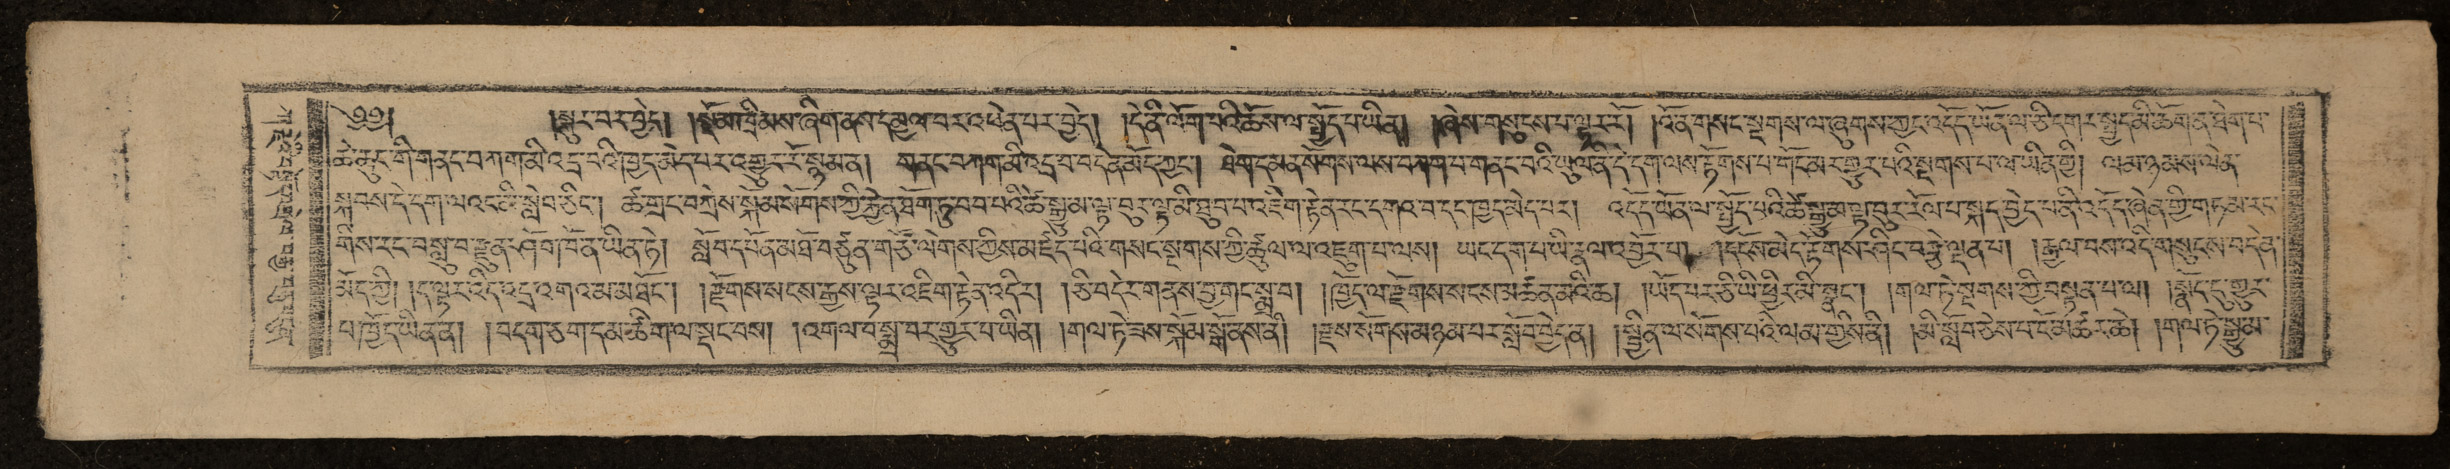༄༅། །སྐུར་བར་བྱེད། །སྡོམ་ཁྲིམས་ཞིག་ནས་དམྱལ་བར་འཕེན་པར་བྱེད། །དེ་ནི་ལོག་པའི་ཆེས་ལ་སྤྱོད་པ་ཡིན། །ཞེས་གསུངས་པ་ལྟར་རོ། །འོན་གསང་སྔགས་ལ་ཞུགས་ཀྱང་འདོད་ཡོན་པ་ཅི་དགར་སྤྱད་མི་ཆོག་ན་ཐེག་པ་
ཆེ་ཆུང་གི་གནང་བཀག་མི་འདྲ་བའི་ཁྱད་མེད་པར་འགྱུར་རོ་སྙ་མ་ན། གནང་བཀག་མི་འདྲ་བ་བདེན་མོད་ཀྱང་། ཐེག་དམན་སོགས་ལས་བཀག་པ་གནང་བའི་ཡུལ་ནི་དེ་དག་ལས་རྟོགས་པ་གོང་མར་གྱུར་པའི་སྔགས་པ་ལ་ཡིན་གྱི། ལམ་ཉམས་ལེན་
སྐབས་དེ་དག་ལའང་མི་སླེབ་ཅིང་། ཚ་གྲང་བཀྲེས་སྐོམ་སོགས་ཀྱི་རྐྱེན་ཐོག་ཏུ་བབ་པའི་ཚེ་སྒྱུ་མ་ལྟ་བུར་ལྟ་མི་ཐུབ་པ་འཇིག་རྟེན་རང་དགའ་བ་དང་ཁྱད་མེད་པར། འདོད་ཡོན་ལ་སྤྱོད་པའི་ཚེ་སྒྱུ་མ་ལྟ་བུར་རོལ་བ་སྐད་བྱེད་པ་ནི་འདོད་ཞེན་གྱི་གཏམ་རང་
གིས་རང་བསླུ་བརྫུན་ཤོབ་ཁོ་ན་ཡིན་ཏེ། སློབ་དཔོན་མཐོ་བཙུན་གཙོ་ལེགས་ཀྱིས་མཛད་པའི་གསང་སྔགས་ཀྱི་ཚུལ་ལ་འཇུག་པ་ལས། ཡང་དག་པ་ཡི་རྣལ་འབྱོར་བ། །དངོས་མེད་རྟོགས་ཤིང་བརྩེ་ལྡན་པ། །རྒྱལ་པས་འདི་གསུངས་བདེན་
མོད་ཀྱི། །ད་ལྟར་འདི་འདྲ་འགའ་མ་མཐོང་། །རྫོགས་སངས་རྒྱས་ལྟར་འཇིག་རྟེན་འདིར། །ཅི་བདེར་གནས་བྱ་གང་སྨྲ་བ། །ཁྱོད་ལ་རྫོགས་སངས་མཚན་མའི་ཆ། །ཡོད་པར་ཅི་ཡི་ཕྱིར་མི་སྣང་། །གལ་ཏེ་སྔགས་ཀྱི་བསྟན་པ་ལ། །སྣོད་དུ་གྱུར་
པ་ཁྱོད་ཡིན་ན། །བདག་ཅག་དམ་ཚིག་ལ་སྡང་བས། །འགལ་བ་སྨྲ་བར་གྱུར་པ་ཡིན། །གལ་ཏེ་ཟས་སྐོམ་སྒོ་ནས་ནི། །རྫས་སོགས་མཉམ་པར་སློབ་བྱེད་ན། །སྦྱིན་ལ་སོགས་པའི་ལམ་གྱིས་ནི། །མི་སློབ་ཅེས་པ་ངོ་མཚར་ཆེ། །གལ་ཏེ་སྒྱུ་མ་